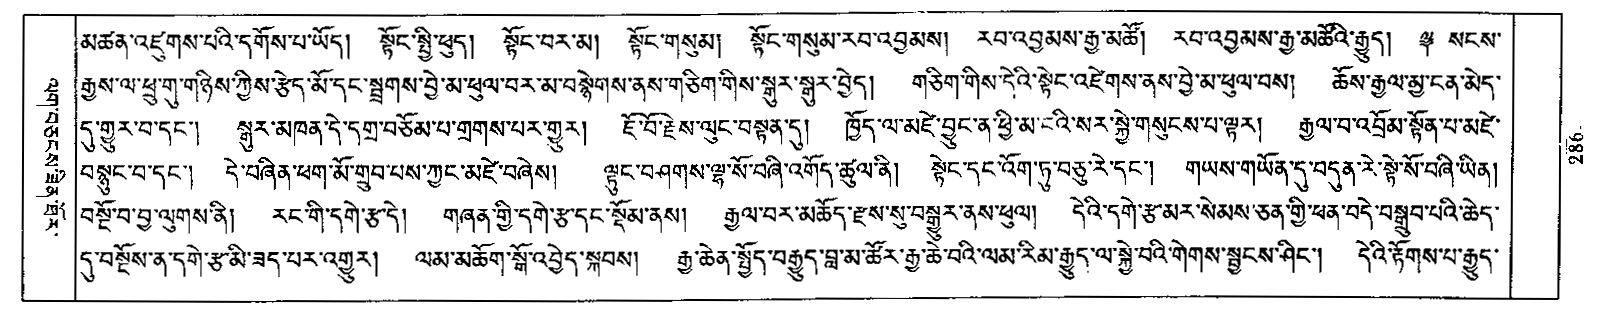མཚན་འཛུགས་པའི་དགོས་པ་ཡོད། སྟོང་སྤྱི་ཕུད། སྟོང་བར་མ། སྟོང་གསུམ། སྟོང་གསུམ་རབ་འབྱམས། རབ་འབྱམས་རྒྱ་མཚོ། རབ་འབྱམས་རྒྱ་མཚོའི་རྒྱུད། ༈ སངས་
རྒྱས་ལ་ཕྲུ་གུ་གཉིས་ཀྱིས་རྩེད་མོ་དང་སྦྲགས་བྱེ་མ་ཕུལ་བར་མ་བསྙེགས་ནས་གཅིག་གིས་སྒུར་སྒུར་བྱེད། གཅིག་གིས་དེའི་སྟེང་འཛེགས་ནས་བྱེ་མ་ཕུལ་བས། ཆོས་རྒྱལ་མྱ་ངན་མེད་
དུ་གྱུར་བ་དང་། སྒུར་མཁན་དེ་དགྲ་བཅོམ་པ་གྲགས་པར་གྱུར། ངོ་བོ་རྗེས་ལུང་བསྟན་དུ། ཁྱོད་ལ་མཛེ་བྱུང་ན་ཕྱི་མ་ངའི་སར་སྐྱེ་གསུངས་པ་ལྟར། རྒྱལ་བ་འབྲོམ་སྟོན་པ་མཛེ་
བསྙུང་བ་དང་། དེ་བཞིན་ཕག་མོ་གྲུབ་པས་ཀྱང་མཛེ་བཞེས། ལྟུང་བཤགས་ལྷ་སོ་བཞི་འགོད་ཚུལ་ནི། སྟེང་དང་འོག་ཏུ་བཅུ་རེ་དང་། གཡས་གཡོན་དུ་བདུན་རེ་སྟེ་སོ་བཞི་ཡིན།
བསྔོ་བ་བྱ་ལུགས་ནི། རང་གི་དགེ་རྩ་དེ། གཞན་གྱི་དགེ་རྩ་དང་སྡོམ་ནས། རྒྱལ་བར་མཆོད་རྫས་སུ་བསྒྱུར་ནས་ཕུལ། དེའི་དགེ་རྩ་མར་སེམས་ཅན་གྱི་ཕན་བདེ་བསྒྲུབ་པའི་ཆེད་
དུ་བསྔོས་ན་དགེ་རྩ་མི་ཟད་པར་འགྱུར། ལམ་མཆོག་སྒོ་འབྱེད་སྐབས། རྒྱ་ཆེན་སྤྱོད་བརྒྱུད་བླ་མ་ཚོར་རྒྱ་ཆེ་བའི་ལམ་རིམ་རྒྱུད་ལ་སྐྱེ་བའི་གེགས་སྦྱངས་ཤིང་། དེའི་རྟོགས་པ་རྒྱུད་